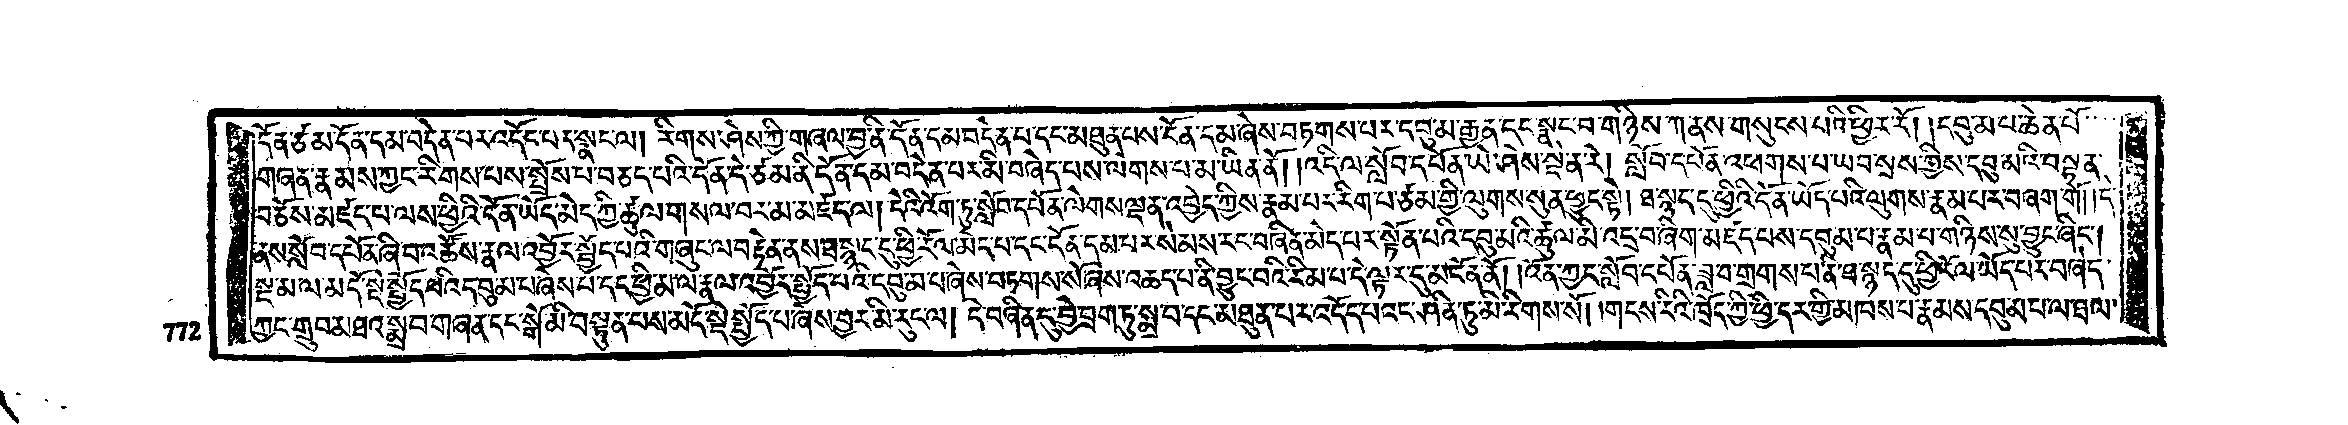དོན་ཙམ་དོན་དམ་བདེན་པར་འདོད་པར་སྣང་ལ། རིགས་ཤེས་ཀྱི་གཞལ་བྱ་ནི་དོན་དམ་བདེན་པ་དང་མཐུན་པས་དོན་དམ་ཞེས་བཏགས་པར་དབུ་མ་རྒྱན་དང་སྣང་བ་གཉིས་ཀ་ནས་གསུངས་པའི་ཕྱིར་རོ། །དབུ་མ་པ་ཆེན་པོ་
གཞན་རྣམས་ཀྱང་རིགས་པས་སྤྲོས་པ་བཅད་པའི་དོན་དེ་ཙམ་ནི་དོན་དམ་བདེན་པར་མི་བཞེད་པས་ལེགས་པ་མ་ཡིན་ནོ། །འདི་ལ་སློབ་དཔོན་ཡེ་ཤེས་སྡེ་ན་རེ། སློབ་དཔོན་འཕགས་པ་ཡབ་སྲས་ཀྱིས་དབུ་མའི་བསྟན་
བཅོས་མཛད་པ་ལས་ཕྱིའི་དོན་ཡོད་མེད་ཀྱི་ཚུལ་གསལ་བར་མ་མཛད་ལ། དེའི་འོག་ཏུ་སློབ་དཔོན་ལེགས་ལྡན་འབྱེད་ཀྱིས་རྣམ་པར་རིག་པ་ཙམ་གྱི་ལུགས་སུན་ཕྱུང་སྟེ། ཐ་སྙད་དུ་ཕྱིའི་དོན་ཡོད་པའི་ལུགས་རྣམ་པར་བཞག་གོ ། །དེ་
ནས་སློབ་དཔོན་ཞི་བ་འཚོས་རྣལ་འབྱོར་སྤྱོད་པའི་གཞུང་ལ་བརྟེན་ནས་ཐ་སྙད་དུ་ཕྱི་རོལ་མེད་པ་དང་དོན་དམ་པར་སེམས་རང་བཞིན་མེད་པར་སྟོན་པའི་དབུ་མའི་ཚུལ་མི་འདྲ་བ་ཞིག་མཛད་པས་དབུ་མ་པ་རྣམ་པ་གཉིས་སུ་བྱུང་ཞིང་།
སྔ་མ་ལ་མདོ་སྡེ་སྤྱོད་པའི་དབུ་མ་པ་ཞེས་པ་དར་ཕྱི་མ་ལ་རྣལ་འབྱོར་སྤྱོད་པའི་དབུ་མ་པ་ཞེས་བཏགས་སོ་ཞེས་འཆད་པ་ནི་བྱུང་བའི་རིམ་པ་དེ་ལྟར་དུ་མངོན་ནོ། །འོན་ཀྱང་སློབ་དཔོན་ཟླ་བ་གྲགས་པ་ནི་ཐ་སྙད་དུ་ཕྱི་རོལ་ཡོད་པར་བཞེད་
ཀྱང་གྲུབ་མཐའ་སྨྲ་བ་གཞན་དང་སྒོ་མི་བསྟུན་པས་མདོ་སྡེ་སྤྱོད་པ་ཞེས་བྱར་པ་ཞེས་བྱར་མི་རུང་ལ། དེ་བཞིན་དུ་བྱེ་བྲག་ཏུ་སྨྲ་བ་དང་མཐུན་པར་འདོད་པའང་ཤིན་ཏུ་མི་རིགས་སོ། །གངས་རིའི་ཁྲོད་ཀྱི་ཕྱི་དར་གྱི་མཁས་པ་རྣམས་དབུ་མ་པ་ལ་ཐལ་